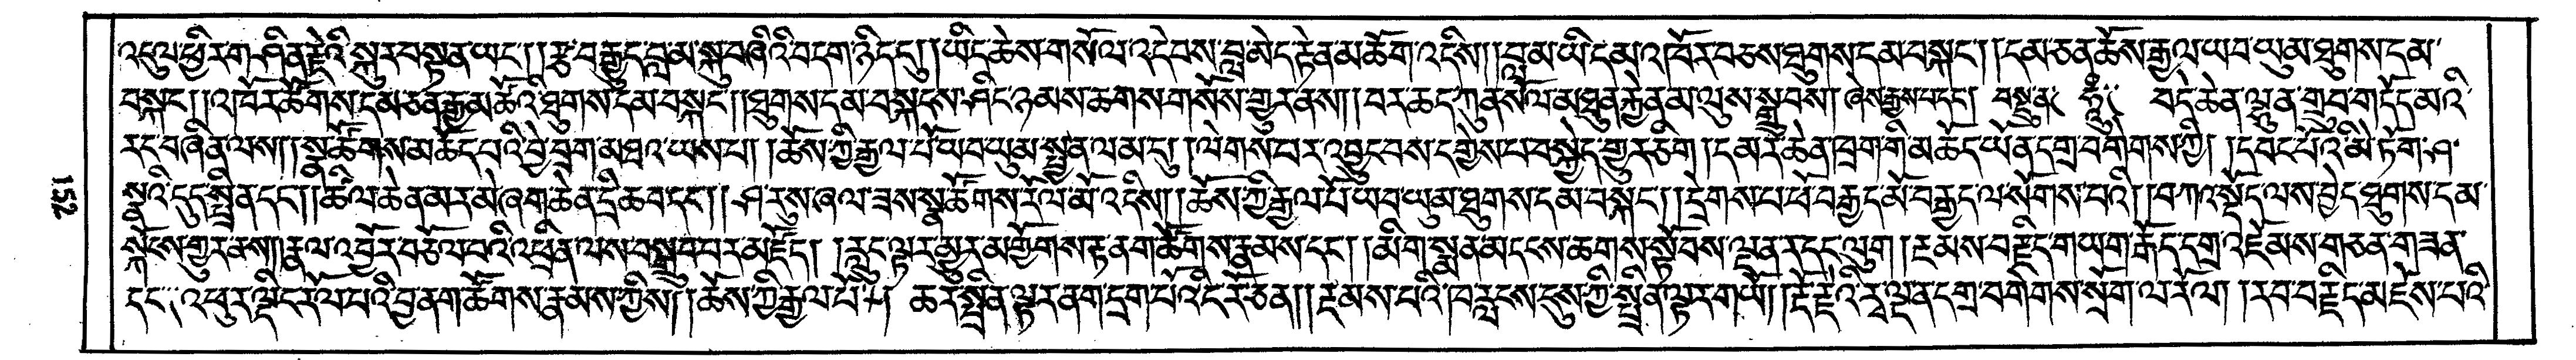འདུལ་ཕྱིར་གཤིན་རྗེའི་སྐུར་བསྟན་ཡང་། །རྩ་བརྒྱུད་བླ་མ་སྐུ་བཞིའི་བདག་ཉིད་དུ། །ཡིད་ཆེས་གསོལ་འདེབས་བླ་མེད་རྟེན་མཆོག་འདིས། །བླ་མ་ཡི་དམ་འཁོར་བཅས་ཐུགས་དམ་བསྐང་། །དམ་ཅན་ཆོས་རྒྱལ་ཡབ་ཡུམ་ཐུགས་དམ་
བསྐང་། །འཁོར་ཚོགས་དམ་ཅན་རྒྱ་མཚོའི་ཐུགས་དམ་བསྐང་། །ཐུགས་དམ་བསྐངས་ཤིང་ཉམས་ཆགས་གསོས་གྱུར་ནས། །བར་ཆད་ཀུན་སོལ་མཐུན་རྐྱེན་མ་ལུས་སྒྲུབས། ཞེས་རྒྱས་པ་དང་། བསྡུན༑ ཧཱུཾ༑ བདེ་ཆེན་ལྷུན་གྲུབ་གདོད་མའི་
རང་བཞིན་ལས། །སྣ་ཚོགས་མཆོད་པའི་བྱེ་བྲག་མཐའ་ཡས་པ། །ཆོས་ཀྱི་རྒྱལ་པོ་ཡབ་ཡུམ་སྤྱན་ལམ་དུ། །ལེགས་པར་འབྱུང་བས་དགྱེས་པ་བསྐྱེད་གྱུར་ཅིག །དམར་ཆེན་ཁྲག་གི་མཆོད་ཡོན་དགྲ་བགེགས་ཀྱི། །དབང་པོའི་མེ་ཏོག་ཤ་
སྣའི་དུད་སྤྲིན་དང་། །ཚིལ་ཆེན་མར་མེ་ཞག་ཆེན་དྲི་ཆབ་དང་། །ཤ་རུས་ཞལ་ཟས་སྣ་ཚོགས་རོལ་མོ་འདིས། །ཆོས་ཀྱི་རྒྱལ་པོ་ཡབ་ཡུམ་ཐུགས་དམ་བསྐང་། །དྲེགས་པ་ཕོ་བརྒྱད་མོ་བརྒྱད་ལ་སོགས་པའི། །བཀའ་སྡོད་ལས་བྱེད་ཐུགས་དམ་
སྐོངས་གྱུར་ནས། །རྣལ་འབྱོར་བཅོལ་བའི་འཕྲིན་ལས་བསྒྲུབ་པར་མཛོད། །རླུང་ལྟར་མྱུར་མགྱོགས་རྟ་ནག་ཚོགས་རྣམས་དང་། །མིག་སྨན་མདངས་ཆགས་སྟོབས་ལྡན་ར་དང་ལུག །རྔམས་བརྗིད་གཡག་རྒོད་དགྲ་འཇོམས་གཅན་གཟན་
དང༑ ༑འཕུར་ལྡིང་རོལ་པའི་བྱ་ནག་ཚོགས་རྣམས་ཀྱིས། །ཆོས་ཀྱི་རྒྱལ་པོ། ཆར་སྤྲིན་ལྟར་ནག་དྲག་པོའི་ང་རོ་ཅན། །རྔམས་པའི་ཁ་རླངས་དུས་ཀྱི་སྤྲིན་ལྟར་གཡོ། །རྡོ་རྗེའི་རྭ་ལྡན་དགྲ་བགེགས་སྲོག་ལ་རོལ། །རབ་བརྗིད་མཛེས་པའི་